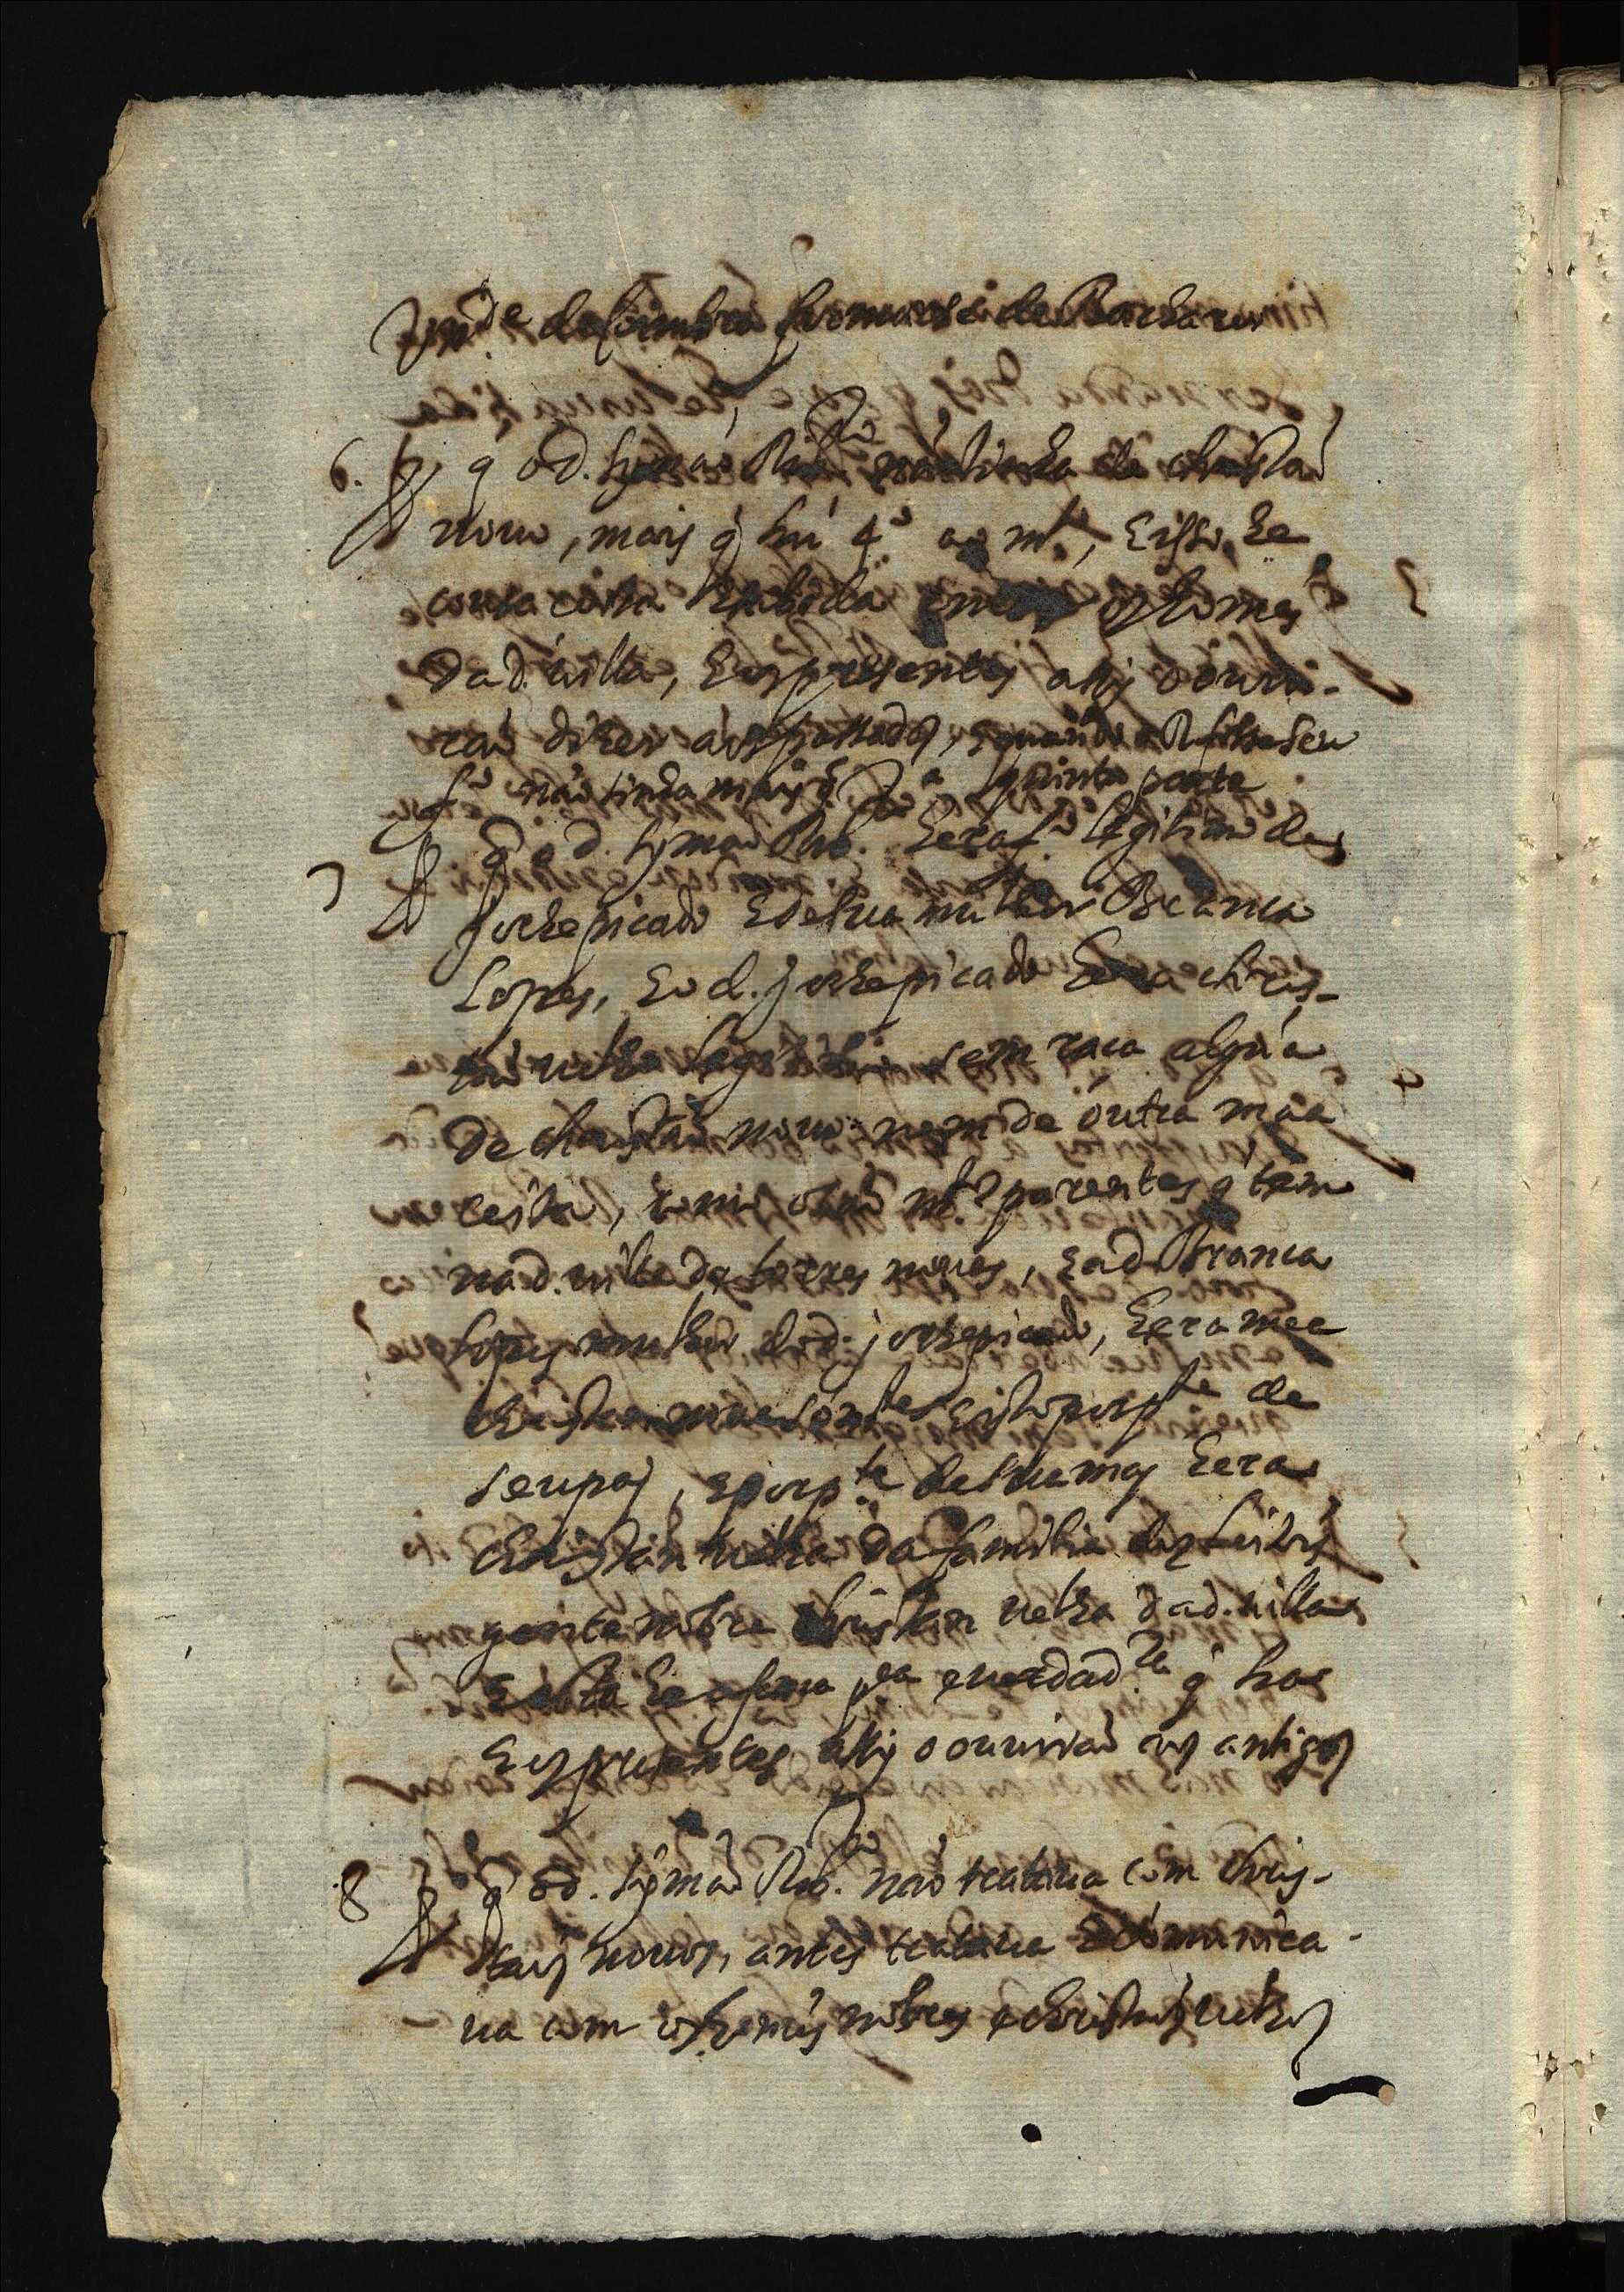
Vn.de de Coimbra fromarse de Bachares
6. ꝓ q̄ o d. symaõ Ribro não tinha de christaõ
nouo, mais q̄ hū 4o ao mto, E isso he
cousa certa E sabida entre os homēs
da d. uilla, E os presentes assy o ouui
raõ dizer aos passados, E quando o R fosse seu
fo naõ tinha mais q̄ a quinta parte
7 ꝓ q̄ o d. symaõ Rib.ro hera f.o legitimo de
jorhe picado E de sua mulher Branca
Lopes, E o d. jorhe picado hera chris
taõ uelho legitimo sem raça algūa
de christaõ nouo nem de outra maa
ceita, como o saõ m.tos parentes q̄ tem
na d. uilla de torres nouas, E a d. Branca
lopes mulher do d. jorhe picado, hera mea
christan noua somtes E isto por pte de
seu paj, E por p.te de sua maj hera
christan uelha da familia dos Leitoĩs
gente nobre christan uelha da d. uilla
E esta he fama pca e uerdad.ra q̄ ha
E os presentes assy o ouuiraõ aos antigos
8 ꝓ q̄ o d. symaõ Rib.o naõ trataua com chris
taos nouos, antes trataua E cōmunica
ua com os homēs nobres e christaõs uelhos
